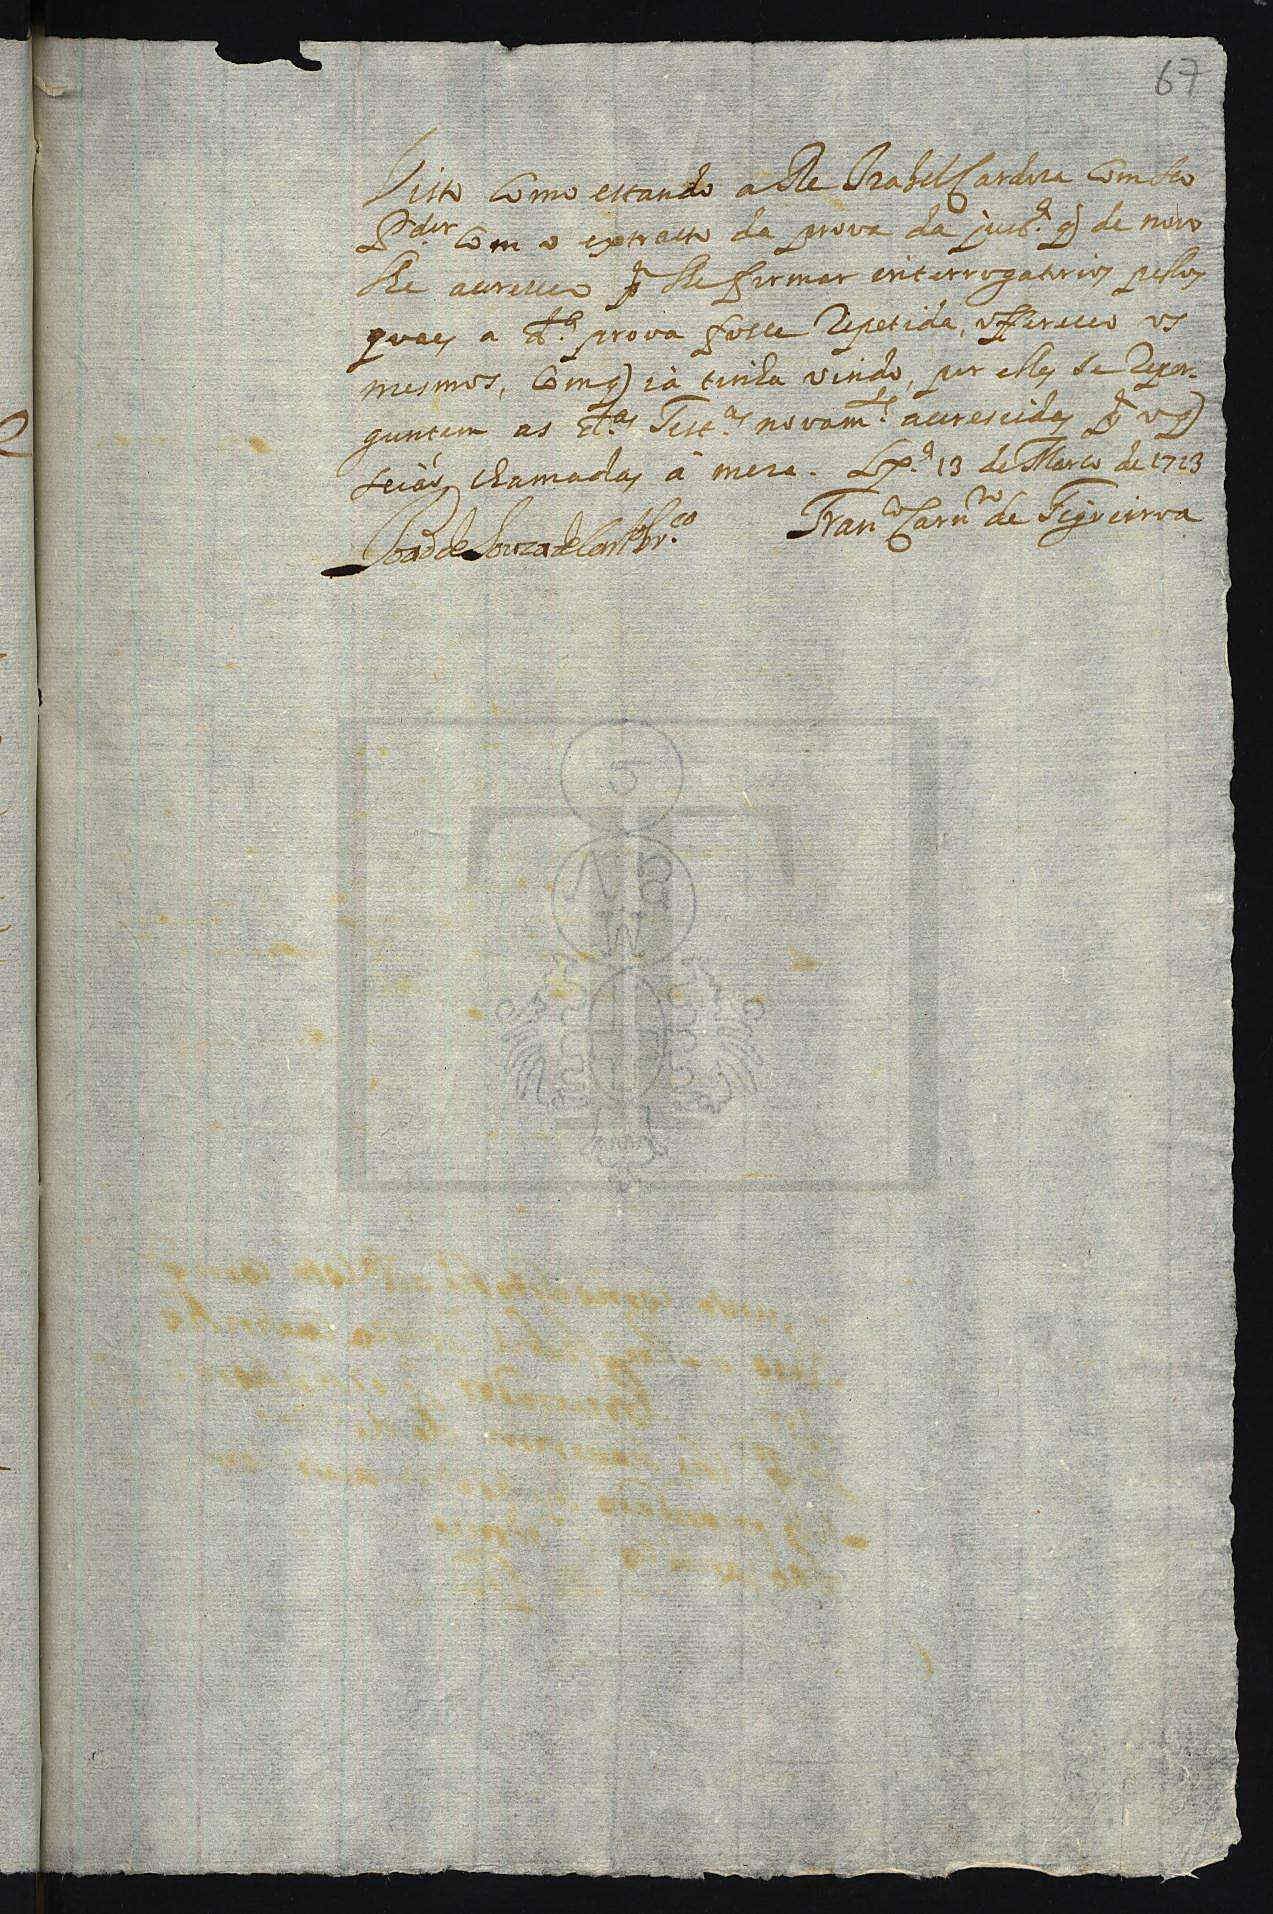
Visto Como estando a Re Izabel Cardoza Com seo
P.dor com o extracto da prova da just.a q̄ de novo
lhe accreceo p.a lhe formar interrogatorios pellos
quaes a d̄.a prova fosse Repetida, offereceo os
mesmos, com q̄ ia tinha vindo, por elles se Reper
guntam as d̄.as Test.as novam.te acrescidas p.a o q̄
seiaõ, chamadas ā meza. Lx.a 13 de Março de 1713
Ioaõ de Souza de Cast.obr.co Franco Carn.ro de Figueiroa
